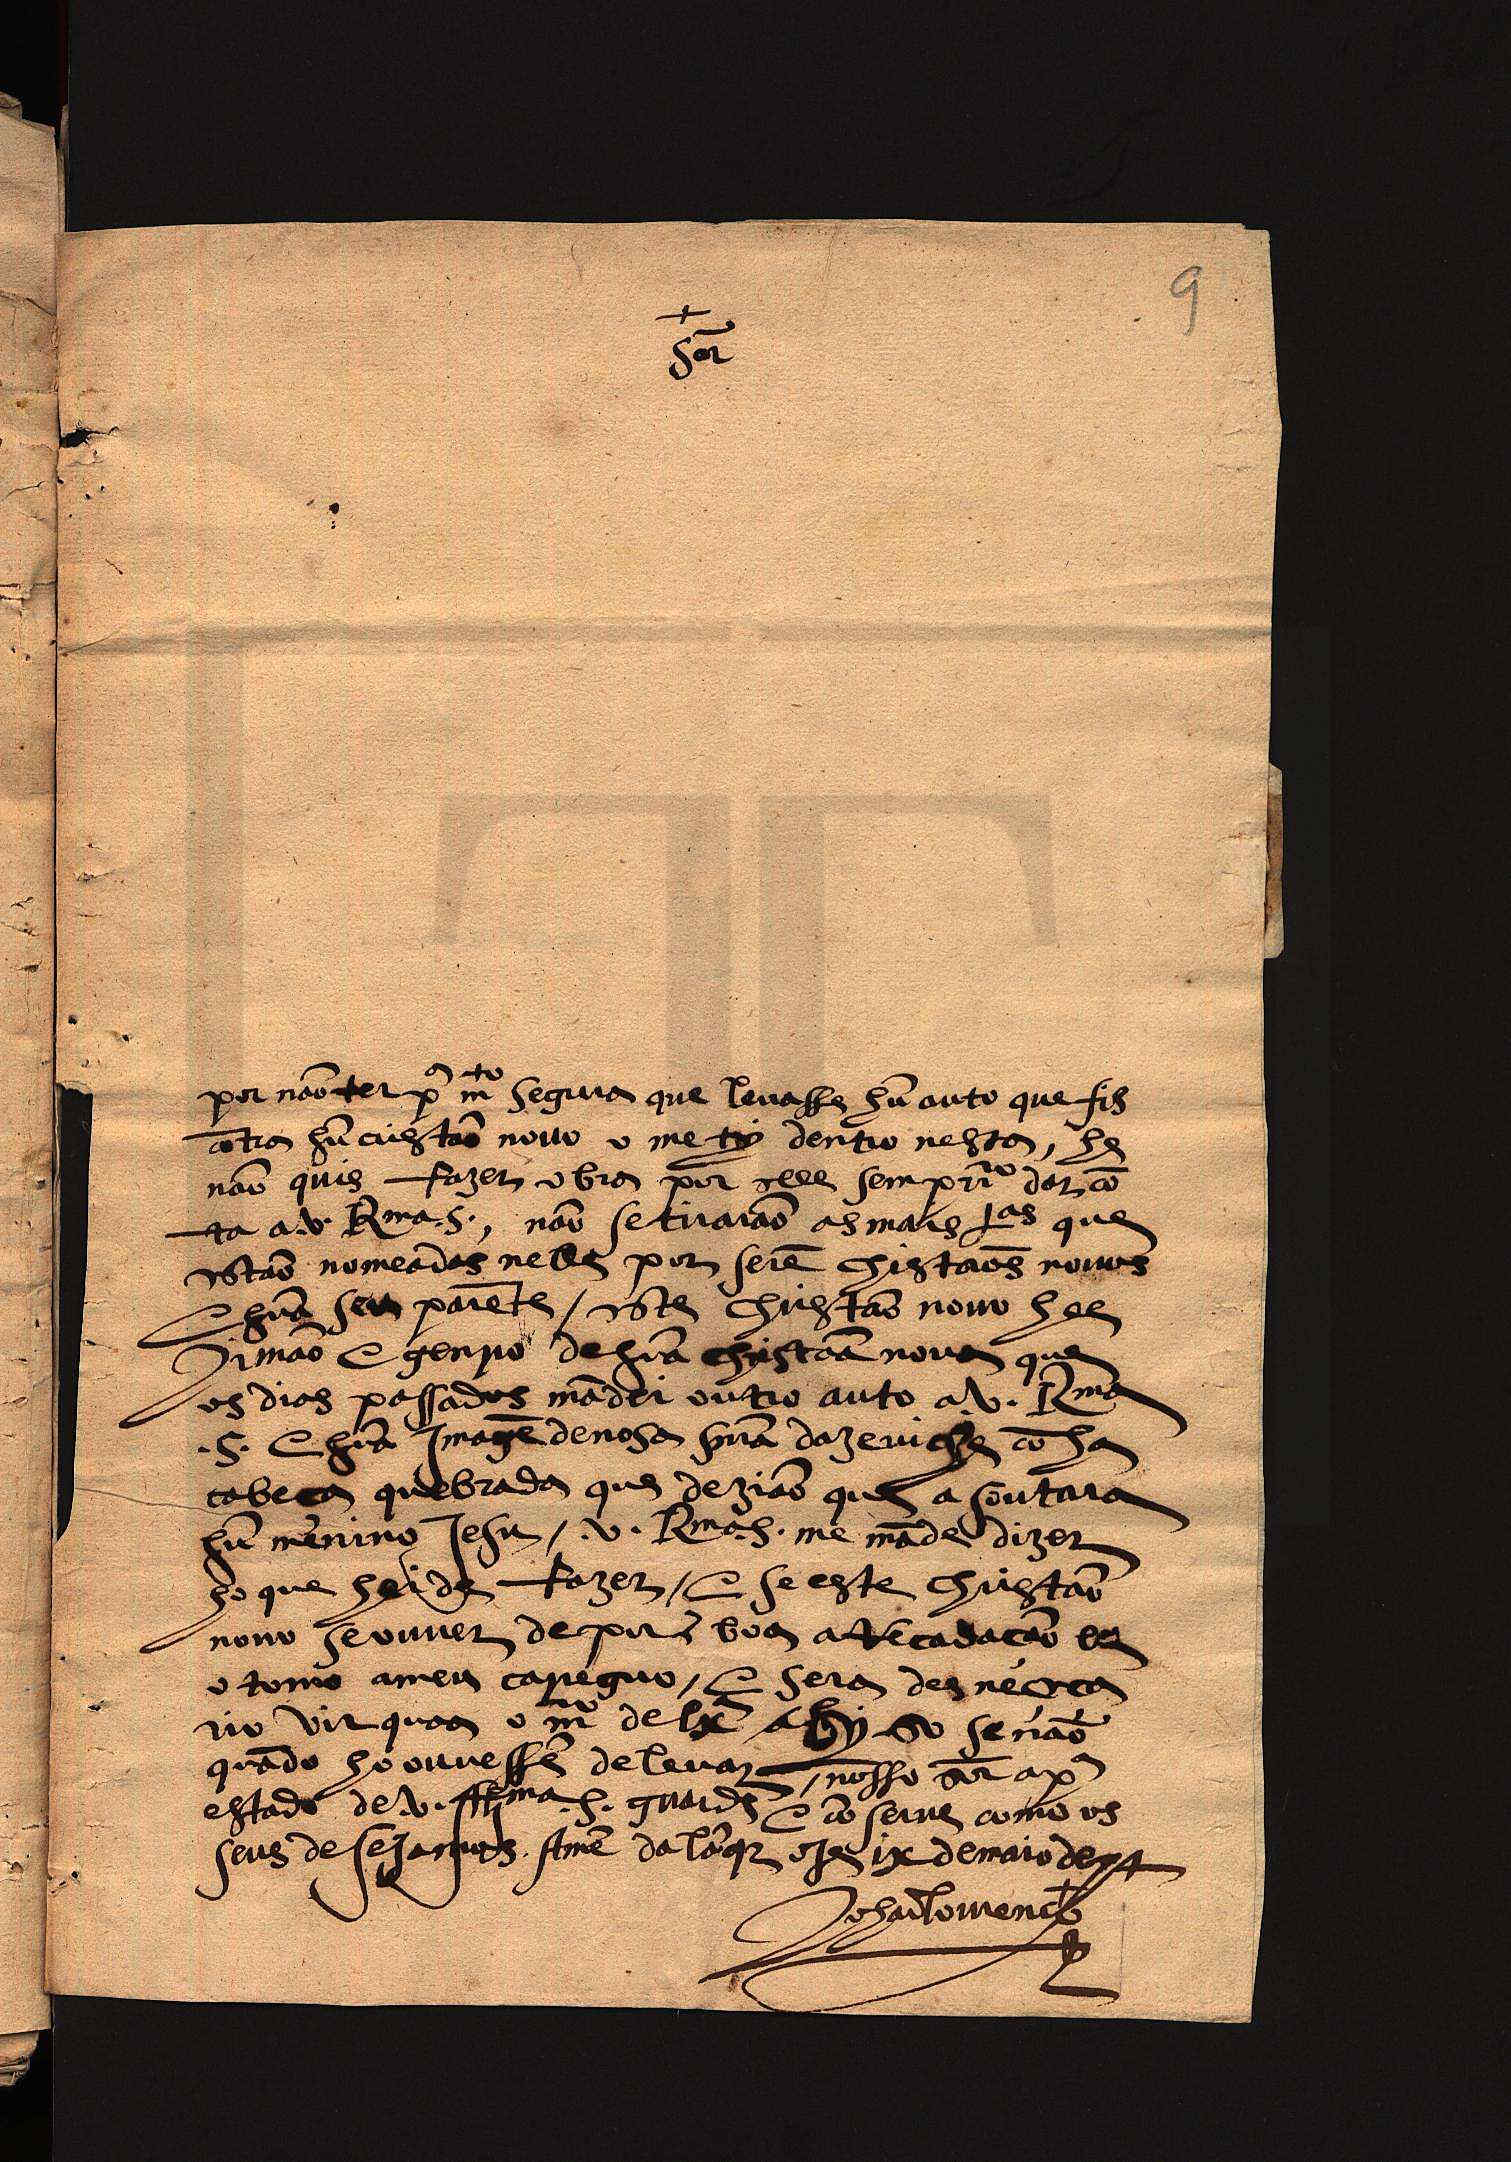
Sōr
por naõ ter pa mto segura que leuasse hū auto que fis
c̄otra hū cristão nouo o mety dentro nesta, he
não quis fazer obra por elle sem priro dar c̄o
ta a .v. Rma .S., não se tirarão as mais tas que
estaõ nomeadas nelle por serē chistaõs nouos
e hūa seu parēte / este christão nouo hee
Jrmão e genrro de huā christaā noua que
os dias passados mādei outro auto a .v. Rma
.S. e hūa Jmagē de nosa snrā dazeuiche c̄o ha
cabeça quebrada que deziaõ que asoutara
hū menino Jesu / .v. Rma .S. me māde dizer
ho que hei de fazer / e se este christão
nouo se ouuer de por ē boa aRecadação eu
o tomo a meu carreguo / e sera desneceça
rio vir quaa o mro de lxa a hyso senão
quādo ho ouuessē de leuar / nosso sōr a pa
e estado de .v. Jlljma .S. guarde e cōserue como os
seus deseJamos. Amē dalāqr oje ix de maio de 74
Johaõ lourenço
